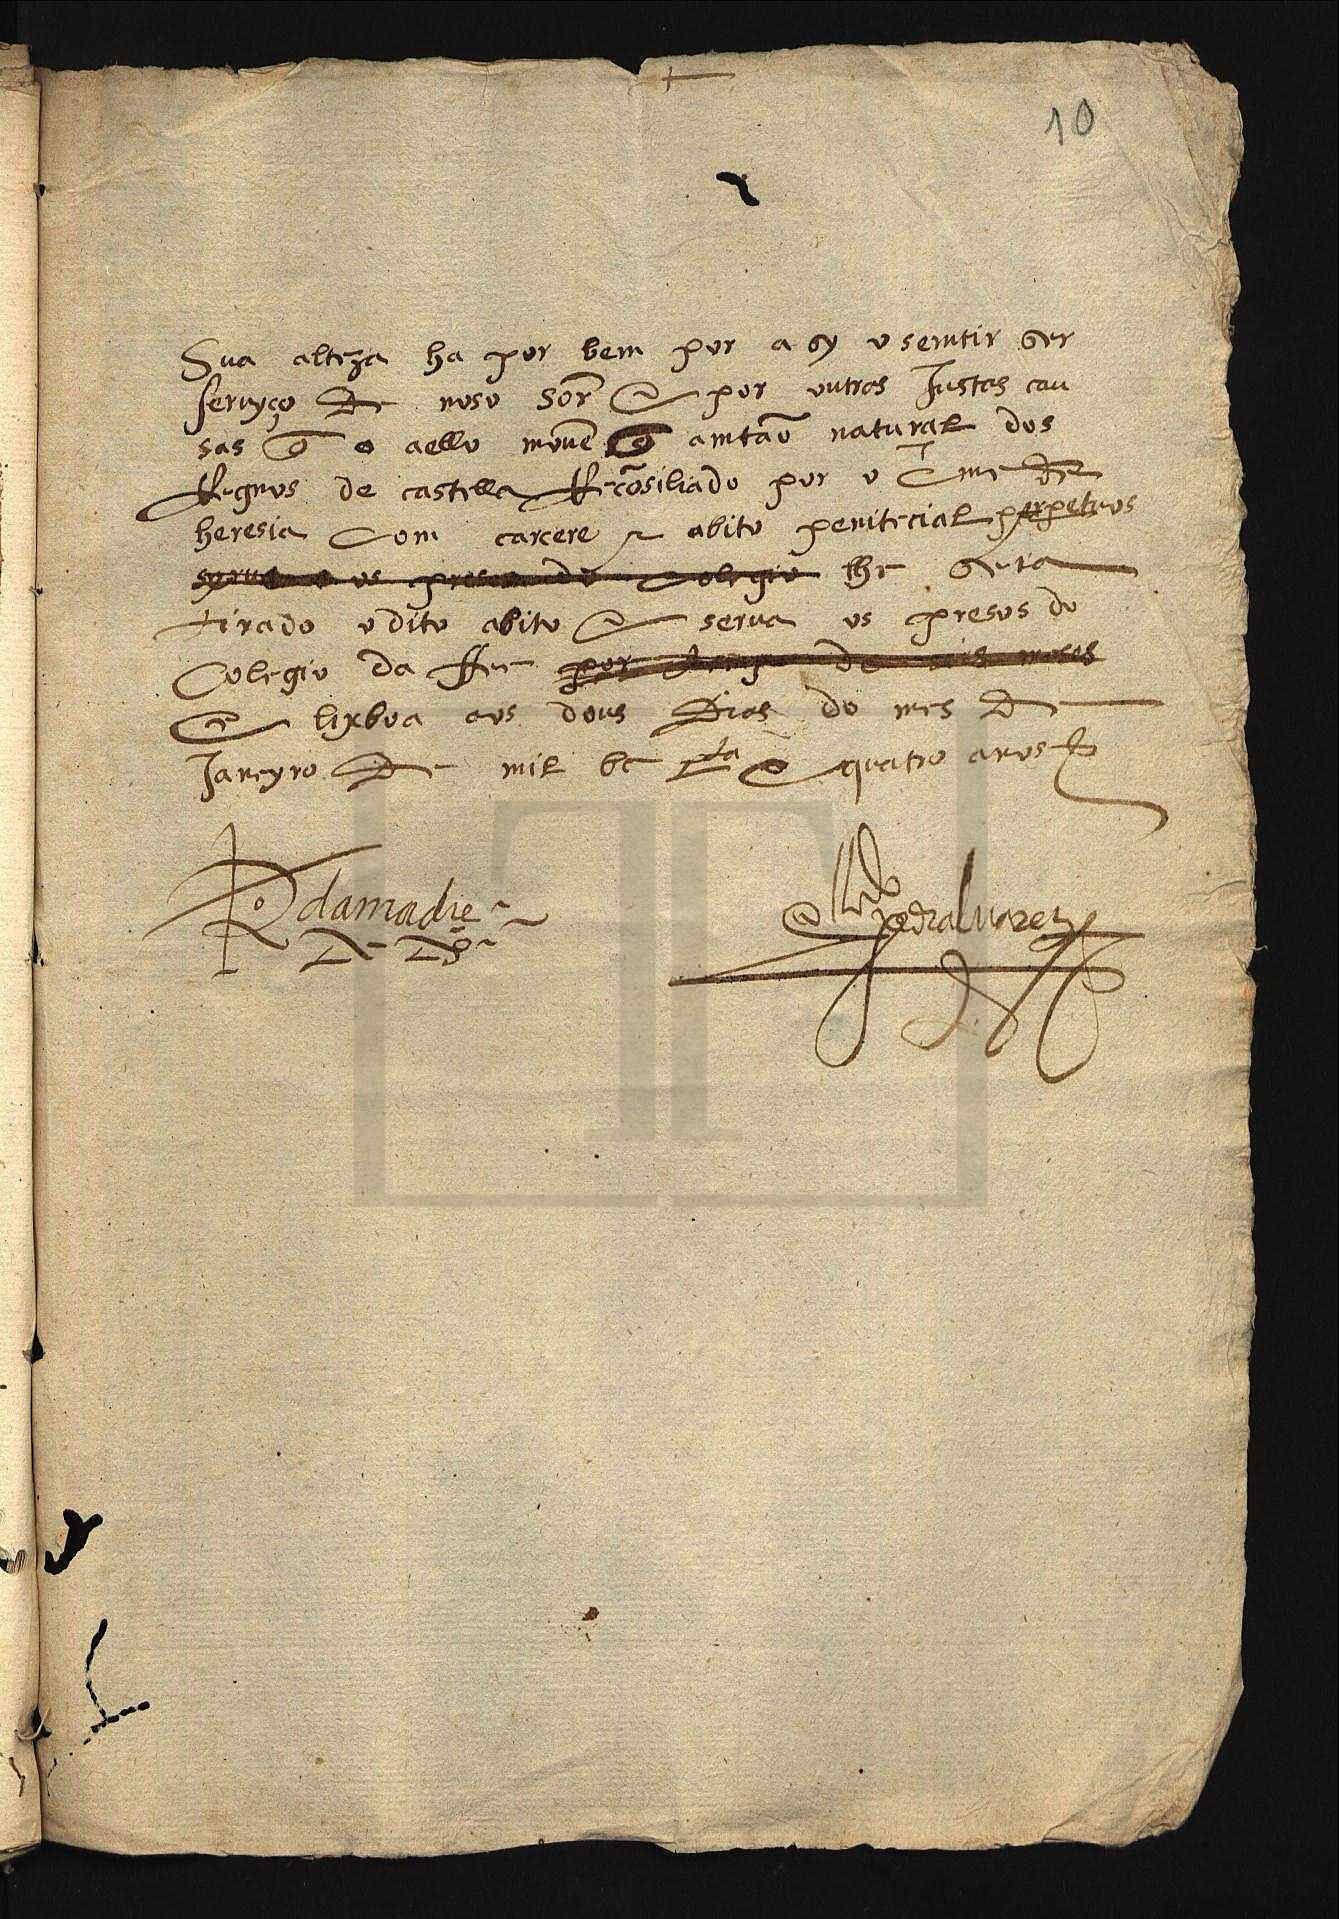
Sua alteza ha por bem por asy o semtir ser
seruyço De noso sōr e por outras Justas cau
sas q̄ o a ello mōue q̄ amtão naturaL dos
Regnos de castella Rec̄osiliado por o Cime de
heresia Com carcere e abito penitecial perpetuos
syrua os pres do Colegio lhe seia
tirado o dito abito e serua os presos do
Colegio da ffee por tempo de seis meses
ē lixboa aos dous dias do mes de
Janeyro de miL bc Lta e quatro anos
Ro da madre
Ldo pedraluarez
De Ds̄
